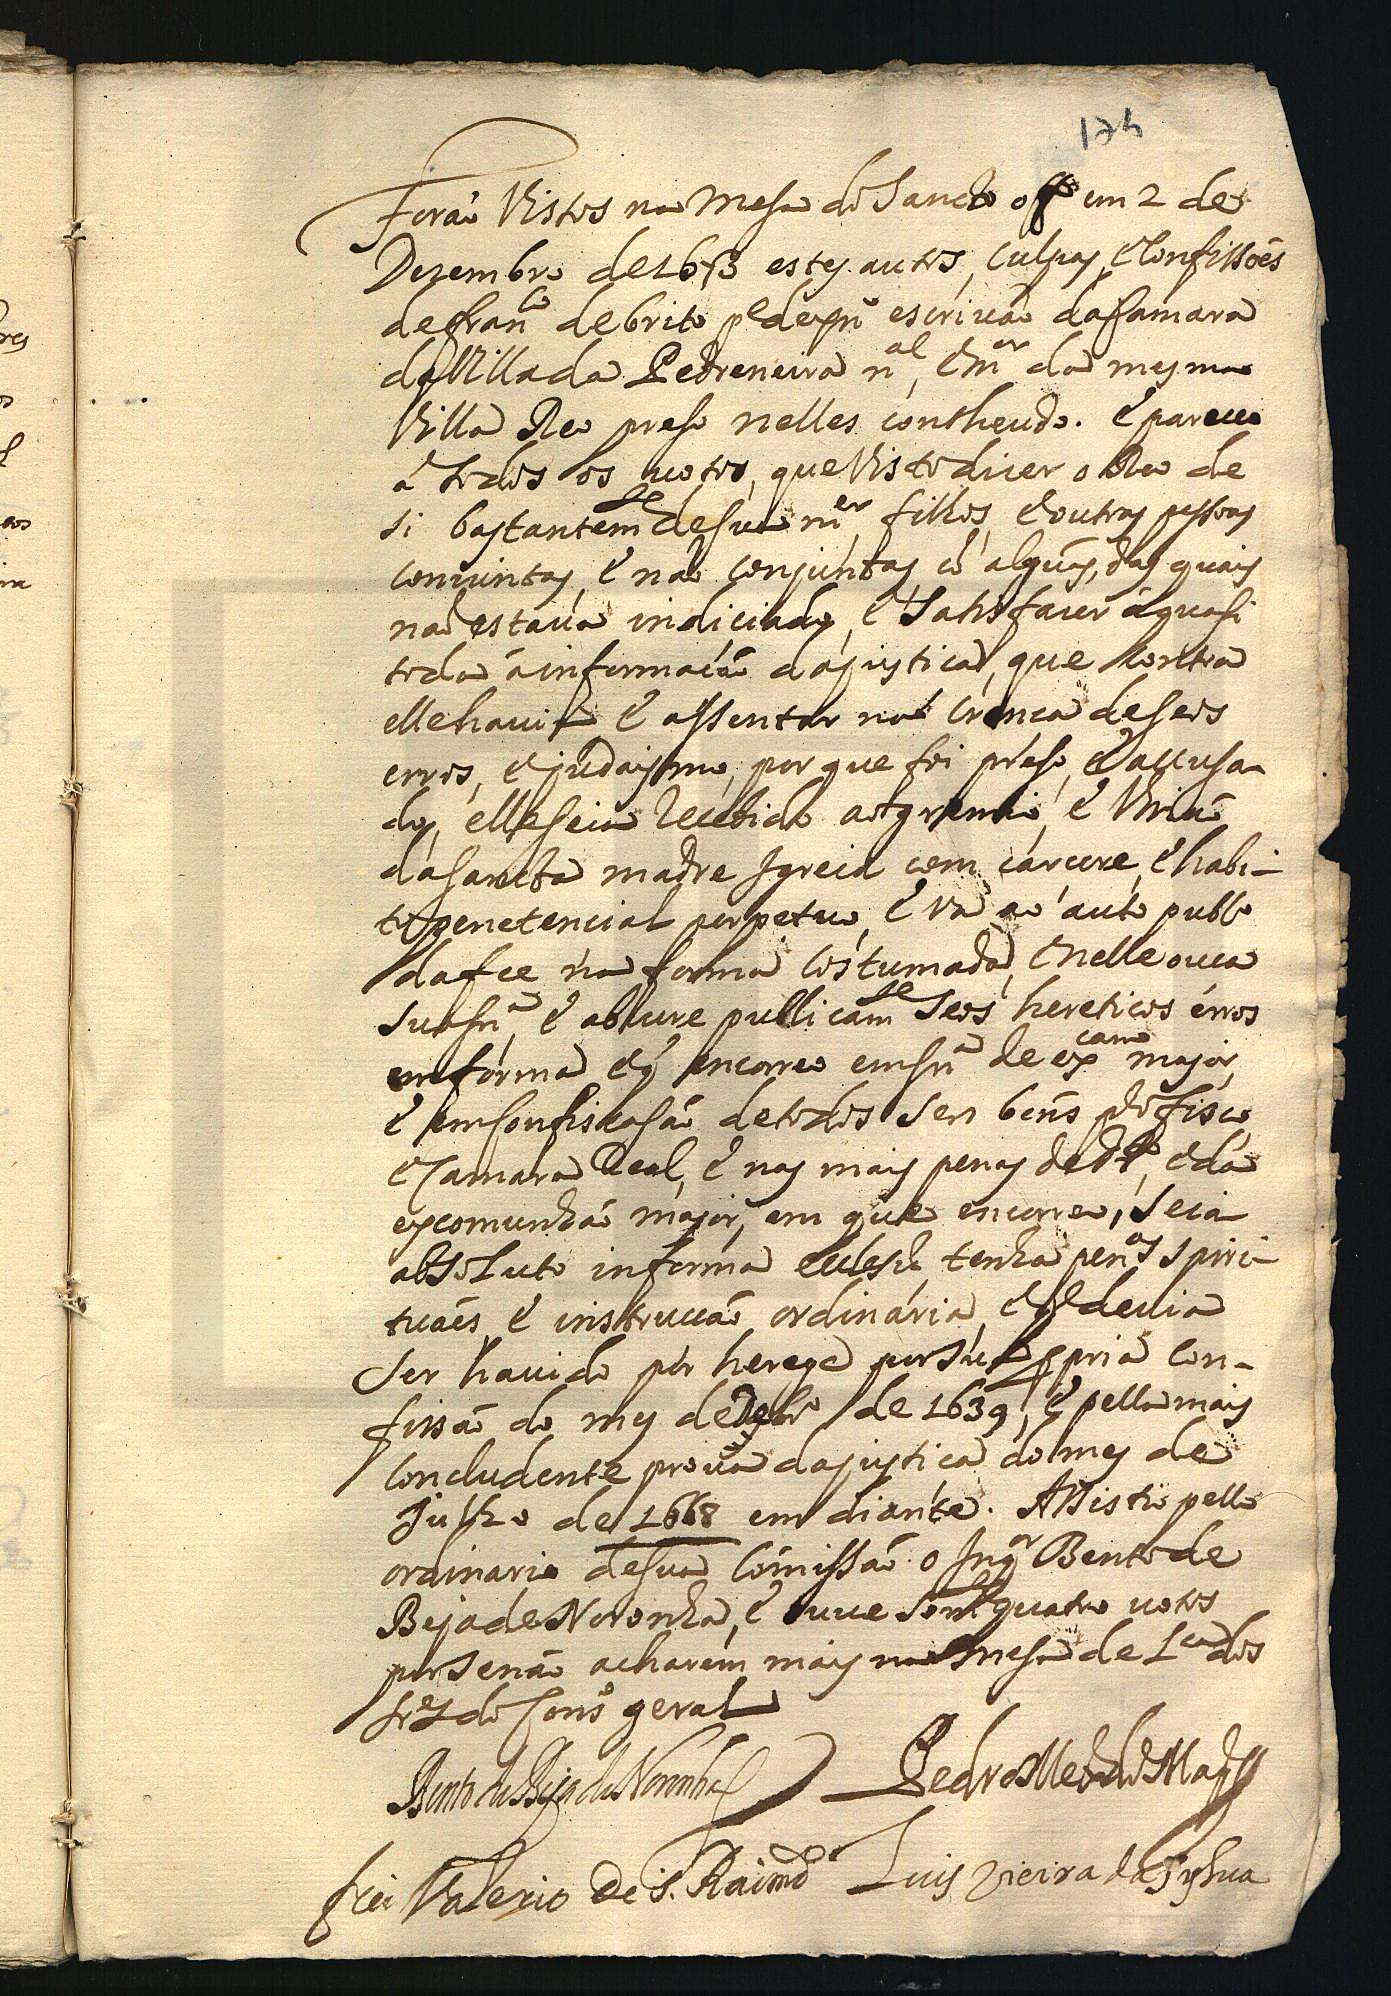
Foraõ Vistos na mesa do Sancto offo em 2 de
Dezembro de 1673 estes autos, culpas, e confissoẽs
de franco de brito pe de xno escriuaõ da Camara
da Villa da Pedreneira nal, E mor da mesma
Villa Reo preso nelles contheudo. E pareceo
a todos os uotos, que visto dizer o Reo de
si bastantemte de sua mer filhos, E outras pessoas
coniuntas, E naõ conjuntas cō algūas, das quais
naõ estaua indiciado, E satisfazer a quasi
toda a informaçaõ da justiça, que contra
elle hauia E assentar na crença de seos
erros, E judaismo, porque foi preso, E accusa
do, elle seia Recebido ao gremio, e Vniaõ
da sancta madre Jgreia com carcere, e habi
te penetencial perpetuo, e va ao auto publo
da fee na forma costumada, e nelle ouça
sua sna, e abiure publicamte seos hereticos erros
em forma, E q̄ encorreo em sna de excam major,
e em Confiscasão de todos seos bens plo fisco,
E Camara Real, e nas mais penas de drto, e da
excomunhaõ major, em que encorreo, seia
absoluto in forma Ecclesiæ, tenha penas spiri
tuaes, e instrucçaõ ordinaria, e q̄ deuia
Ser hauido por herege por sua ꝓpria con
fissaõ do mes de Debro de 1639, E pella mais
concludente proua da justiça do mes de
Julho de 1668 em diante. Assistio pello
ordinario de sua comissaõ o Jnqor Bento de
Beja de Noronha, e ouue somte quatro uotos
por se não acharem mais na mesa de Lça dos
sres do Conso geraL
Bento de Beja de Noronha
Pedro Mex̄ de Mages
frei Valerio de S. Raimdo
Luis vieira da sylua
